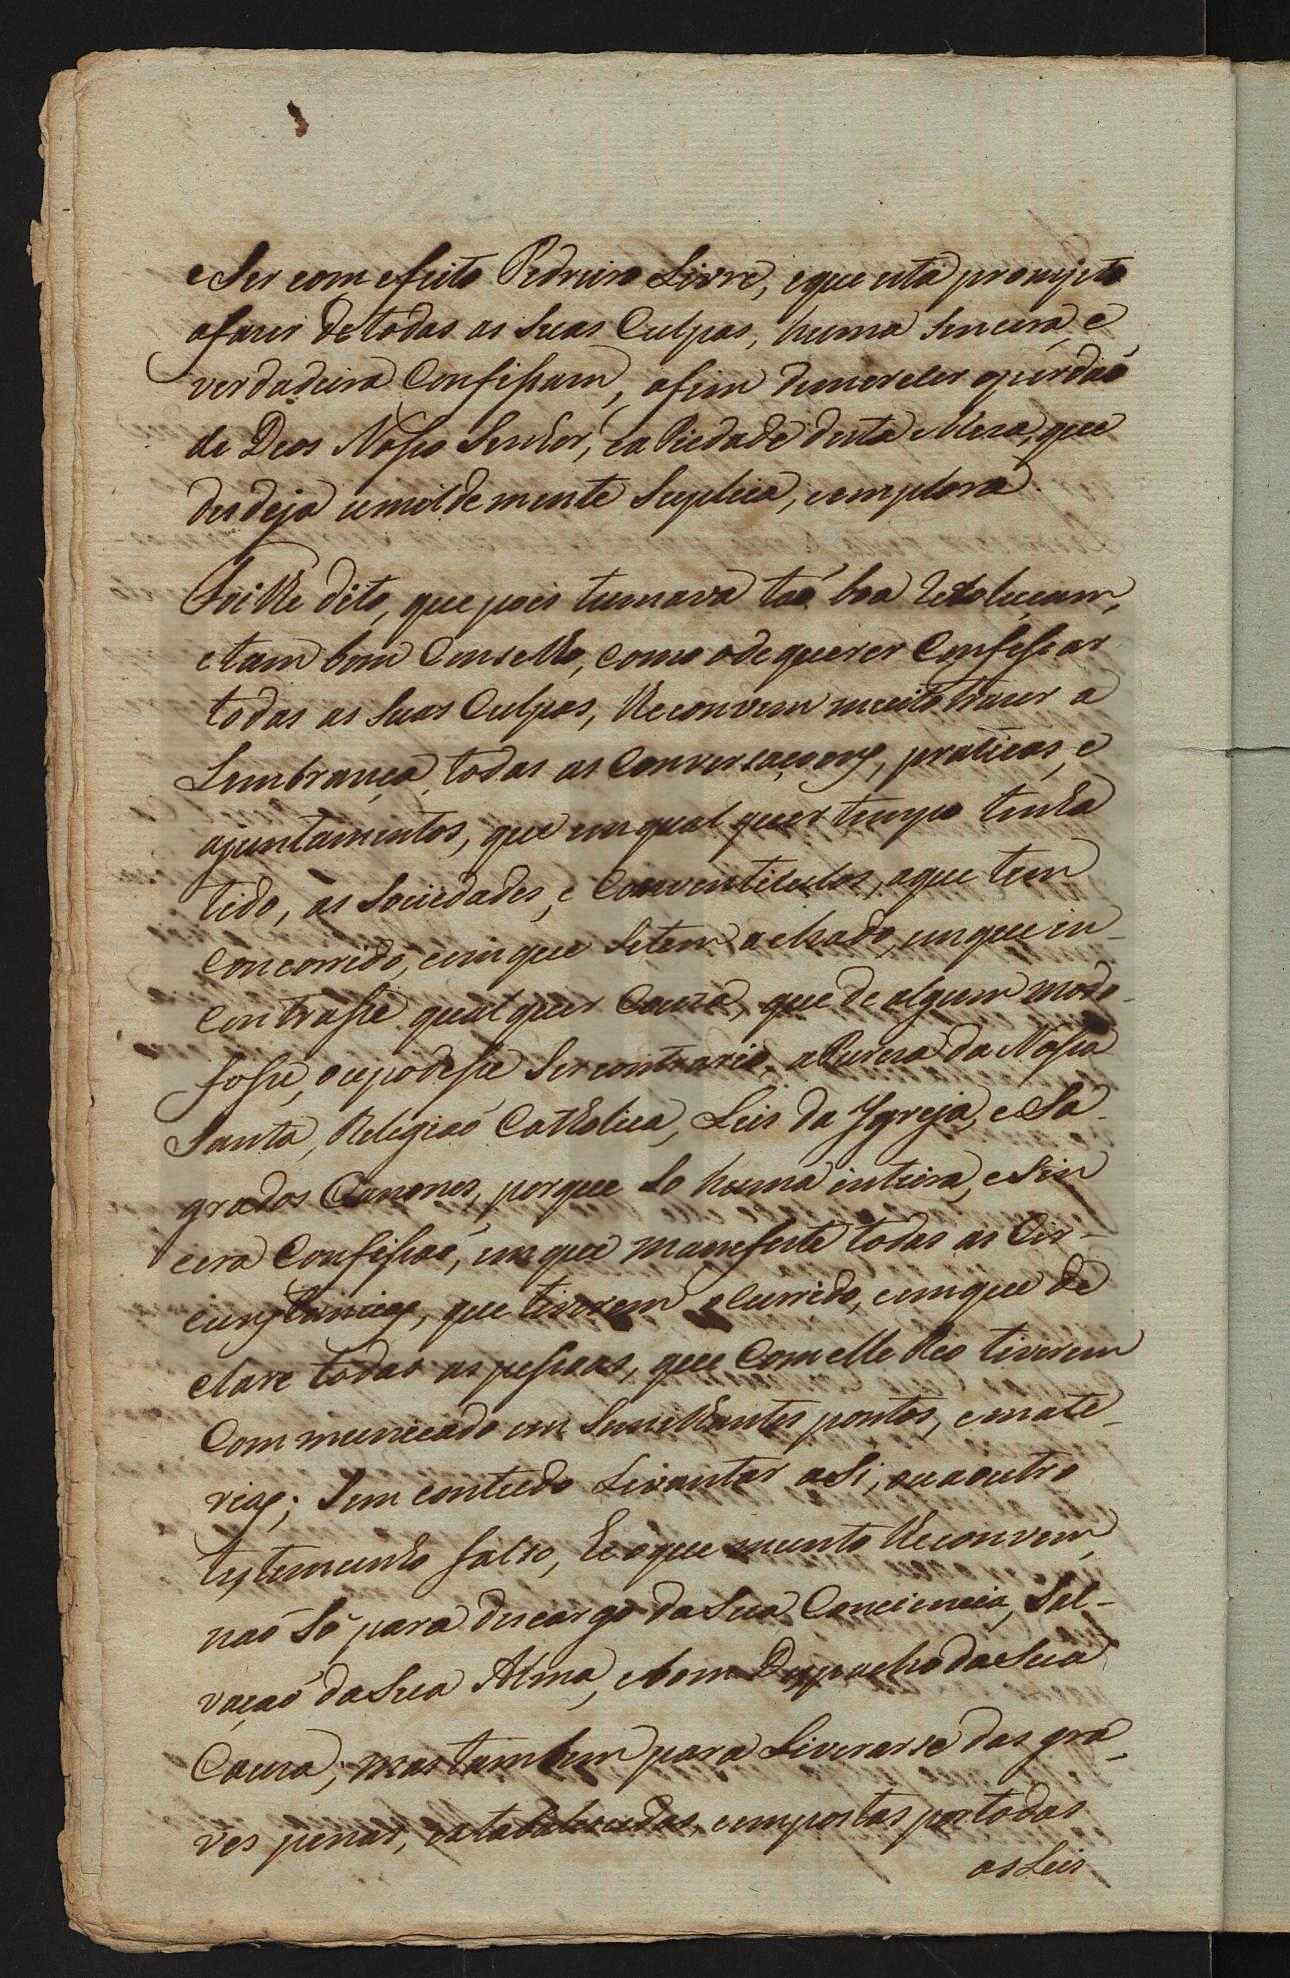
e Ser com efeito Pedreiro Livre, e que esta prompto
a fazer de todas as Suas Culpas, huma sincera, e
verdadeira confissam, afim de merecer o perdaõ
de Deos Nosso Senhor, e a Piedade desta Meza, que
desde ja umildemente Suplica, e emplora.
Foilhe dito, que pois tomava taõ boa Rezoluçam,
e tam bom conselho, como o de querer confessar
todas as Suas Culpas, lhe convem muito trazer a
Lembrança, todas as conversaçoens, praticas, e
ajuntamentos, que em qualquer tempo tenha
tido, as Sociedades, e ConventiCulos, a que tem
concorrido, e em que se tem achado, em que in
contrasse qualquer couza, que de algum modo
fosse, ou podesse Ser contrario, a Pureza da Nossa
Santa Religiaõ Catholica, Leis da Jgreja, e Sa
grados Canones, porque so huma inteira, e sin
cera confissaõ, em que manifeste todas as Cir
cunstancias, que tiverem ocurrido, e em que de
clare todas as pessoas, que com elle Reo tiverem
Communicado em Semilhantes pontos, e mate
rias; Sem contudo Levantar aSi, ou a outro
testemunho falso, he o que munto lhe convem,
naõ Só para descargo da Sua Conciencia, Sal
vaçaõ da Sua Alma, e bom Dispacho da Sua
Cauza, mas tambem para Liverarse das gra
ves penas, estabalescidas, e impostas por todas
as Leis
